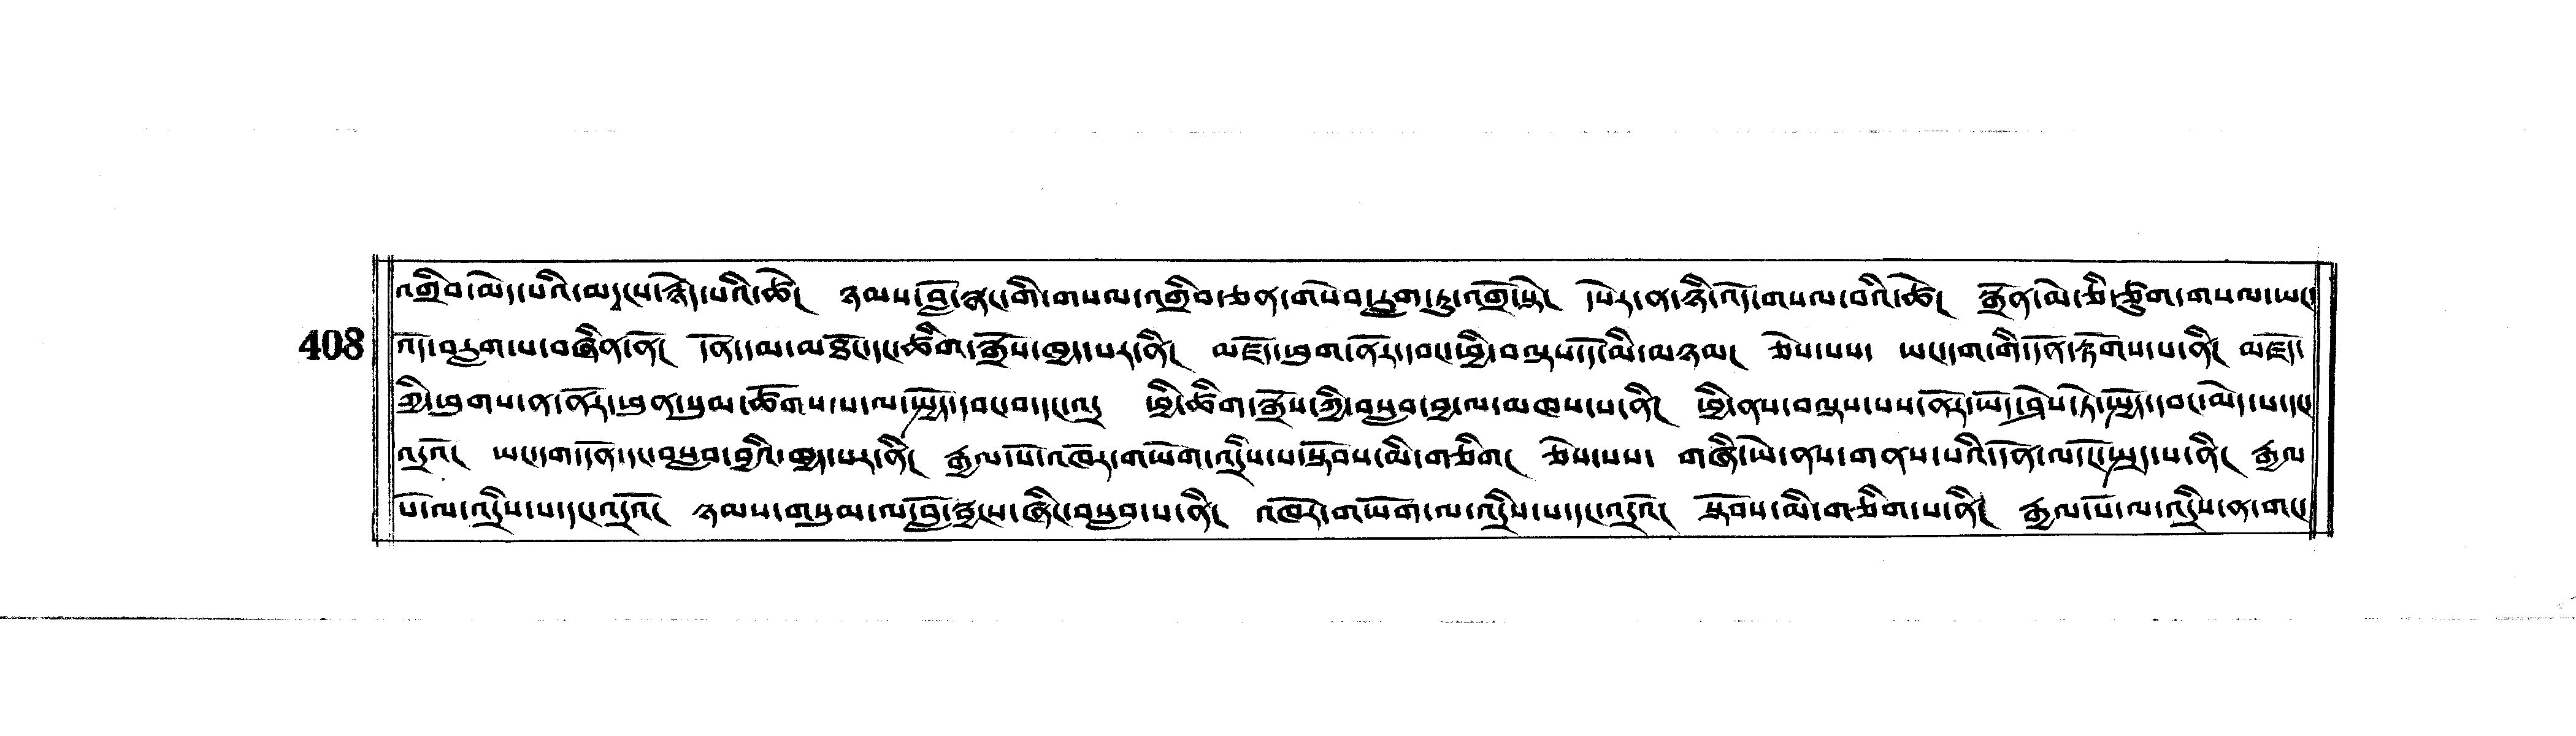འགྲིབ་མེད་པའི་མདངས་རྙེད་ཚེ། ཉམས་བློ་སྣང་གི་གསལ་འགྲིབ་ཅན་གསེབ་བརླག་ཏུ་འགྲོ་སྟེ། དཔེར་ན་ཉི་འོད་གསལ་བའི་ཚེ། སྒྲོན་མེ་ཅི་ཙུག་གསལ་ཡང་
འོད་བརླག་པ་བཞིན་ནོ། དོན་དམ་མཐོང་དང་ཚིག་སྒྲོས་ཁྱད་པར་ནི། མཛོད་ཕུག་ནོར་དབང་ཕྱི་བལྟས་དོ་མི་མཉམ། ཅེས་པས། ཡང་དག་གི་དོན་རྟོགས་པ་ནི། མཛོད་
ཀྱི་ཕུག་ན་ནོར་ཕུན་སུམ་ཚོགས་པ་ལ་སྤྱོད་དབང་བ་དང་འདྲ། ཕྱི་ཚིག་སྒྲོས་ཀྱི་བསླབ་བྱ་ལ་མཁས་པ་ནི། ཕྱི་ནས་བལྟས་པས་ནོར་ཡོད་ཤེས་ཏེ་སྤྱོད་དབང་མེད་པ་དང་
འདྲའོ། ཡང་དག་དོན་དང་བསླབ་བྱའི་ཁྱད་པར་ནི། རྒྱལ་པོ་འཁོར་གཡོག་འདྲིས་པ་སྟོབས་མི་གཅིག ཅེས་པས། གཞི་ཡེ་ནས་གནས་པའི་དོན་ལ་ངོ་སྤྲད་པ་ནི། རྒྱལ་
པོ་ལ་འདྲིས་པ་དང་འདྲའོ། ཉམས་གསུམ་ལ་བློ་སྦྱངས་ཤིང་བསླབ་པ་ནི། འཁོར་གཡོག་ལ་འདྲིས་པ་དང་འདྲའོ། སྟོབས་མི་གཅིག་པ་ནི་རྒྱལ་པོ་ལ་འདྲིས་ན་གང་